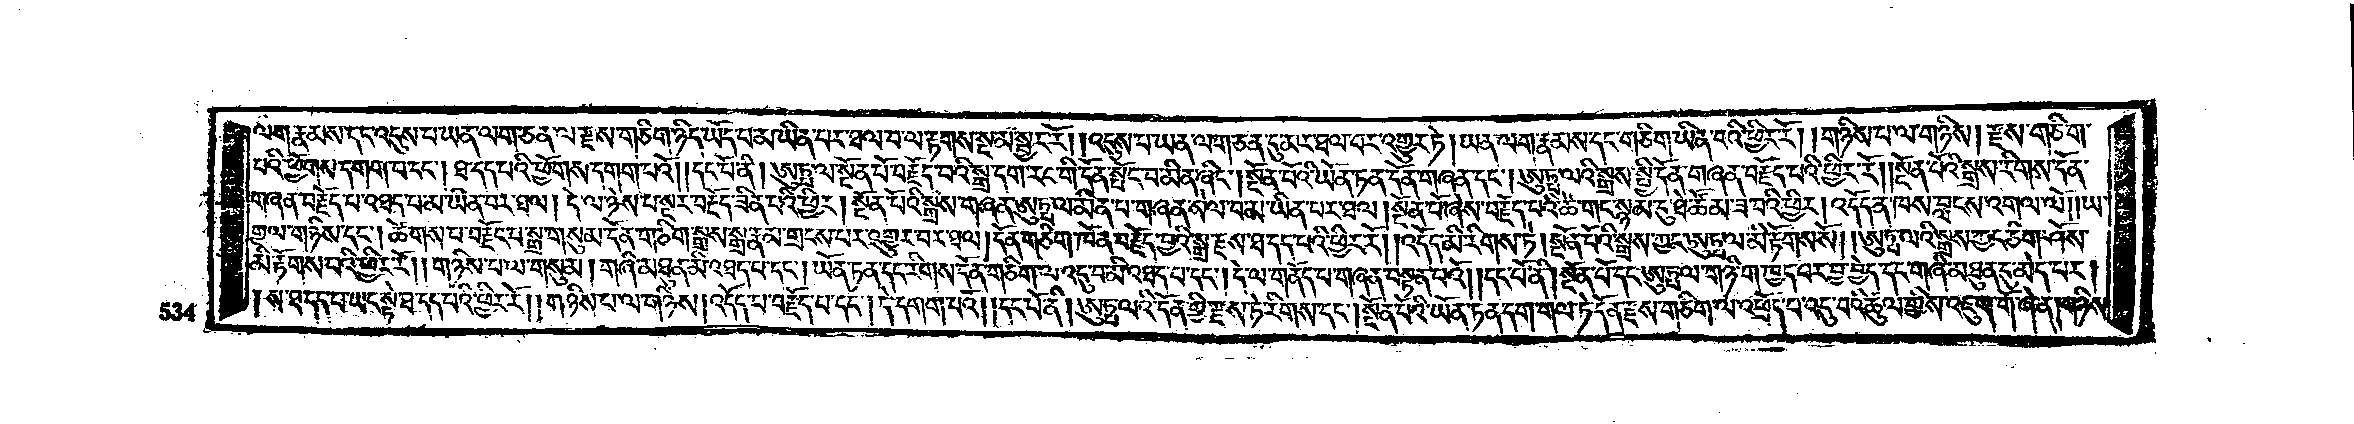ལག་རྣམས་དང་འདུས་པ་ཡན་ལག་ཅན་ལ་རྫས་གཅིག་ཉིད་ཡོད་པ་མ་ཡིན་པར་ཐལ་བ་ལ་རྟགས་སྣ་མ་སྦྱར་རོ། །འདུས་པ་ཡན་ལག་ཅན་དུ་མར་ཐལ་བར་འགྱུར་ཏེ། ཡན་ལག་རྣམས་དང་གཅིག་ཡིན་པའི་ཕྱིར། གཉིས་པ་ལ་གཉིས། རྫས་གཅིག་
པའི་ཕྱིར་དགག་པ་དང་། ཐ་དད་པའི་ཕྱོགས་དགག་པའོ། །དང་པོ་ནི། ཨུཏཔ་ལ་སྔོན་པོ་བརྗོད་པའི་སྒྲ་དག་རང་གི་དོན་སྤོང་བ་མིན་ཞིང་། སྔོན་པོའི་ཡོན་ཏན་དོན་གཞན་དང་། ཨུཏཔ་ལའི་སྒྲས་སྤྱི་དོན་གཞན་བརྗོད་པའི་ཕྱིར་རོ། །སྔོན་པོའི་སྒྲས་རིགས་དོན་
གཞན་བརྗོད་པ་འཐད་པ་མ་ཡིན་པར་ཐལ། དེ་ལ་ཉེས་པ་སྔར་བརྗོད་ཟིན་པའི་ཕྱིར། སྔོན་པོའི་སྒྲས་གཞན་ཨུཏཔ་ལ་མིན་པ་གཞན་སེལ་བ་མ་ཡིན་པར་ཐལ། སྔོན་པོ་ཞེས་བརྗོད་པའི་ཚེ་གང་སྙམ་དུ་ཐེ་ཚོམ་ཟ་བའི་ཕྱིར། འདོད་ན་ཁས་བླངས་འགལ་ལོ། །ཡ་
གྱལ་གཉིས་དང་། ཚོགས་པ་བརྗོད་པ་སྒྲ་གསུམ་དོན་གཅིག་སྒྲས་སྒྲ་རྣམ་གྲངས་པར་འགྱུར་བར་ཐལ། དོན་གཅིག་ཁོ་ན་བརྗོད་བྱའི་སྒྲ་རྫས་ཐ་དད་པའི་ཕྱིར་རོ། །འདོད་མི་རིགས་ཏེ། སྔོན་པོའི་སྒྲས་ཀྱང་ཨུཏཔ་མི་རྟོགས་སོ། །ཨུཏཔ་ལའི་སྒྲས་ཀྱང་ཅིག་ཤོས་
མི་རྟོགས་པའི་ཕྱིར་རོ། །གཉིས་པ་ལ་གསུམ། གཞི་མཐུན་མི་འཐད་པ་དང་། ཡོན་ཏན་དང་རིགས་དོན་གཅིག་ལ་འདུ་བ་མི་འཐད་པ་དང་། དེ་ལ་གནོད་པ་གཞན་བསྟན་པའོ། །དང་པོ་ནི། སྔོན་པོ་དང་ཨུཏཔ་ལ་གཉི་ག་ཁྱད་པར་བྱ་བྱེད་དང་གཞི་མཐུན་དུ་མེད་པར།
ས་ཐ་དད་པ་ཡང་སྟེ་ཐ་དད་པའི་ཕྱིར་རོ། །གཉིས་པ་ལ་གཉིས། འདོད་པ་བརྗོད་པ་དང་། དེ་དགག་པའོ། །དང་པོ་ནི། ཨུཏཔ་ལའི་དོན་གྱི་རྫས་ཏེ་རིགས་དང་། སྔོན་པོའི་ཡོན་ཏན་དང་གལ་ཏེ་དོན་རྫས་གཅིག་ལ་འཕྲོད་པ་འདུ་བའི་ཚུལ་གྱིས་འཇུག་གོ་ཞེ་ན། གཉིས་